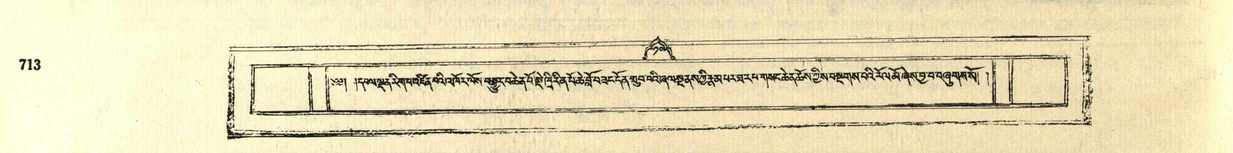༄༅། །དཔལ་ལྡན་རིག་པ་འཛིན་པའི་འཁོར་ལོས་བསྒྱུར་བ་ཆེན་པོ་སྡེ་ཁྲི་རིན་པོ་ཆེ་བློ་བཟང་དོན་གྲུབ་པའི་ཞལ་སྔ་ནས་ཀྱི་རྣམ་པར་ཐར་པ་གསང་ཆེན་ཆོས་ཀྱིས་བསྔགས་པའི་རོལ་མོ་ཞེས་བྱ་བ་བཞུགས་སོ། །